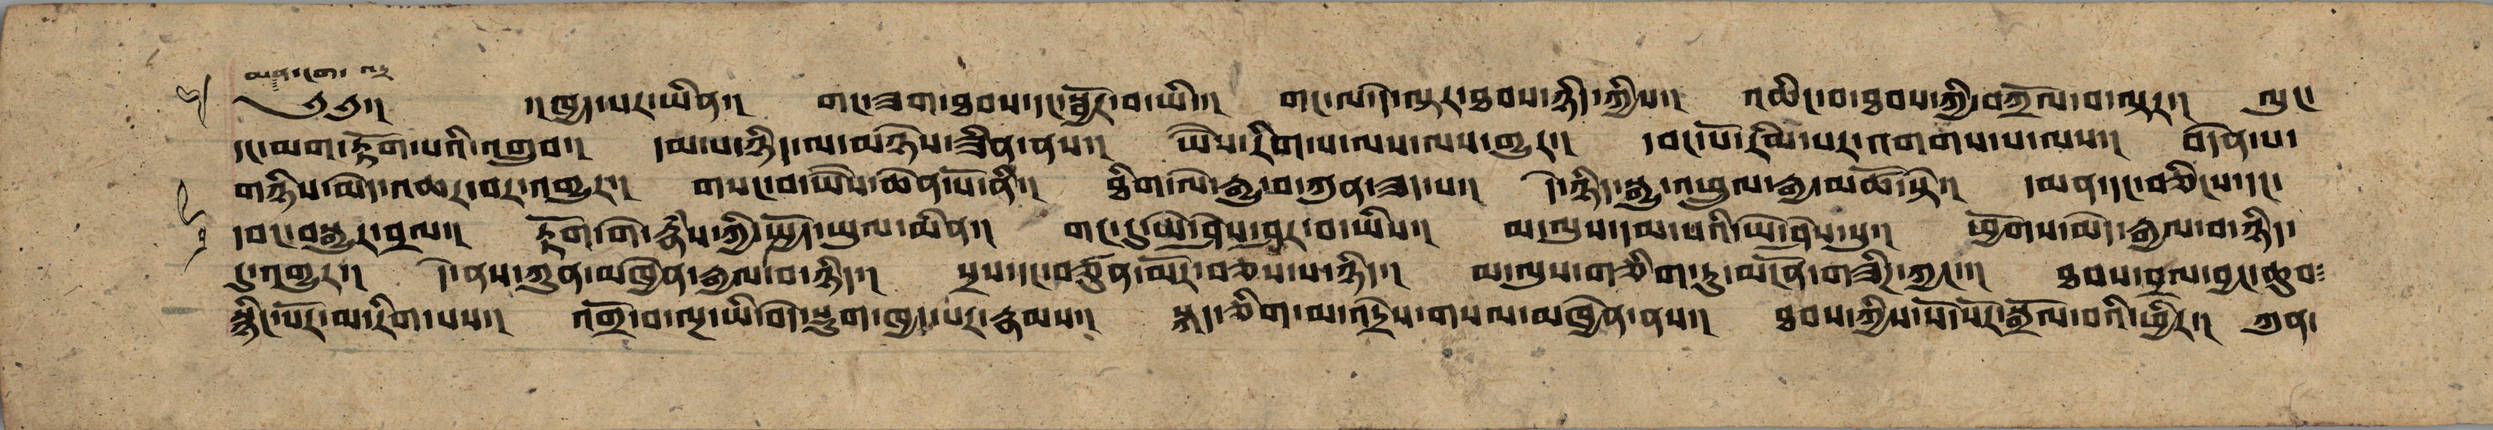༄༅་། ་།ཁྱད་པར་ཡིན་། གང་ཟག་ཐབས་དང་སྦྱོར་བ་ཡིད་། གང་ལ་དེ་ལྟར་ཐབས་ཉིད་ཀྱིས་། འཆིང་བ་ཐབས་ཀྱི་བཀྲོལ་བ་ལྟར་། ལུང་
དང་མག་རྟོག་པའི་འགྲུབ་། དམ་པ་ཉིད་ལ་མཉེས་ཟིན་ནས་། ཡཻས་རིག་པ་ལས་ལས་གྱུར་། དབང་པོ་རིམ་པར་འགགས་པ་ལས་། བདེན་པ་
གཉིས་མེད་འཆར་བར་འགྱུར་། གསང་བ་ཡཻས་ཆེན་པོ་ནི་། ཐིག་ལེ་རྒྱུ་བ་ཀུན་ཟད་པ་། དེ་ཉིད་སྒྱུ་འཕྲུལ་རྒྱ་མཚོ་སྟེ་། དམན་དང་བཅིངས་དང་
དབང་བསྒྱུར་བྲལ་། རྟོག་གེ་རྣཾས་ཀྱི་སྤྱོད་ཡུལ་མིན་། གང་དུ་ཡེ་ཤེས་ཤར་བ་ཡིས་། མ་ལུས་དམ་པའི་ཡེ་ཤེས་སུ་། ཕྱོགས་མེད་རྒྱལ་བ་ཉིད་
དུ་འགྱུར་། དེ་ནས་ཀུན་མཁྱེན་རྒྱལ་བ་ཉིད་། སྲས་དང་བཙུན་མོར་བཅས་པ་ཉིད་། མ་ལུས་གཅིག་ཏུ་མངོན་གཟིཌ་ཀྱང་་། ཐབས་བྲལ་བྱང་ཆུབ༴
སྙིང་པོར་མ་རིག་པས་། འགྲོ་བ་ལྔ་ཡི་བདེ་སྡུག་ཁྱད་པར་རྣམས་། སྐད་ཅིག་མ་འདྲེས་གསལ་མཁྱེན་ནས་། ཐབས་ཀྱིས་སོ་སོར་སྒྲོལ་བའི་ཕྱིར་། ཀུན་